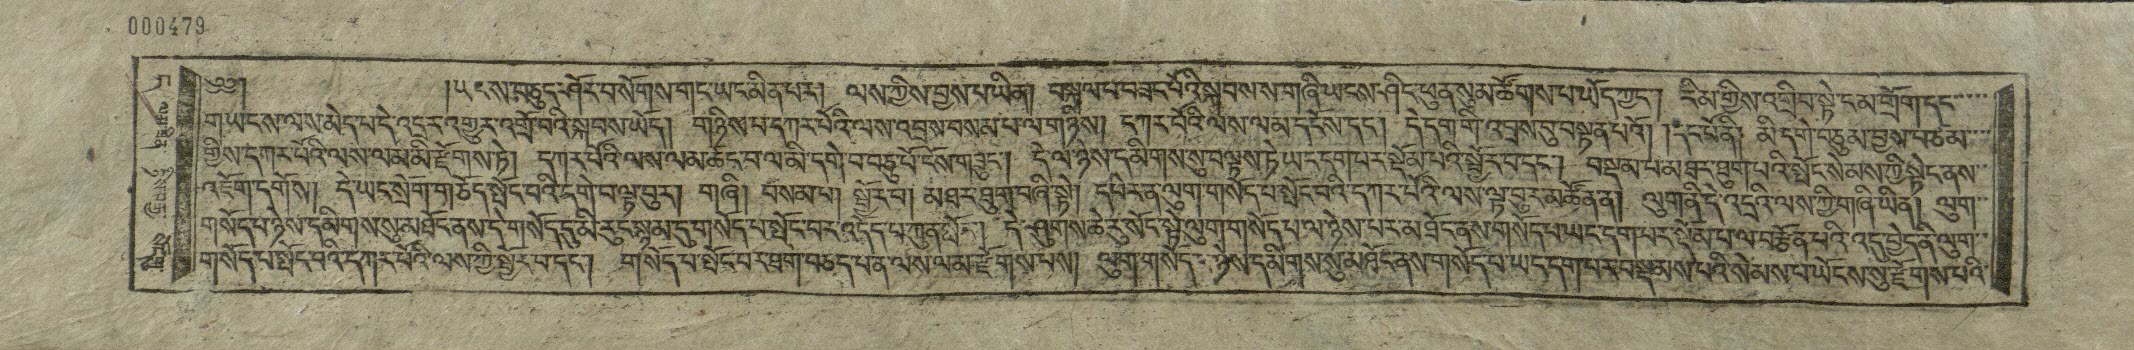༄༅། །ཡང་ས་བཅུད་ཤོར་བ་སོགས་གང་ཡང་མིན་པར། ལས་ཀྱིས་བྱས་པ་ཡིན། བསྐལ་པ་བཟང་པོའི་སྐབས་ས་གཞི་ཡངས་ཤིང་ཕུན་སུམ་ཚོགས་པ་ཡོད་ཀྱང་། རིམ་གྱིས་འགྲིབ་སྟེ་ངམ་གྲོག་དང་
གཡང་ས་ལས་མེད་པ་དེ་འདྲར་འགྱུར་འགྲོ་བའི་སྐབས་ཡོད། གཉིས་པ་དཀར་པོའི་ལས་འབྲས་བསམ་པ་ལ་གཉིས། དཀར་པོའི་ལས་ལམ་དངོས་དང་། དེ་དག་གི་འབྲས་བུ་བསྟན་པའོ། །དང་པོ་ནི། མི་དགེ་བཅུ་མ་བྱས་པ་ཙམ་
གྱིས་དཀར་པོའི་ལས་ལམ་མི་རྫོགས་ཏེ། དཀར་པོའི་ལས་ལམ་ཚང་བ་ལ་མི་དགེ་བ་བཅུ་པོ་ངོས་གཟུང་། དེ་ལ་ཉེས་དམིགས་སུ་བལྟས་ཏེ་ཡང་དག་པར་སྡོམ་པའི་སྦྱོར་བ་དང་། བསྡམ་པ་མཐར་ཐུག་པའི་སྤོང་སེམས་ཀྱི་སྟེང་ནས་
འཇོག་དགོས། དེ་ཡང་སྲོག་གཅོད་སྤོང་བའི་དགེ་བ་ལྟ་བུར། གཞི། བསམ་པ། སྦྱོར་བ། མཐར་ཐུག་བཞི་སྟེ། དཔེར་ན་ལུག་གསོད་པ་སྤོང་བའི་དཀར་པོའི་ལས་ལྟ་བུར་མཚོན་ན། ལུག་ནི་དེ་འདྲའི་ལས་ཀྱི་གཞི་ཡིན། ལུག་
གསོད་པ་ཉེས་དམིགས་སུ་མཐོང་ནས་དེ་གསོད་དུ་མི་རུང་སྙམ་དུ་གསོད་པ་སྤོང་བར་འདོད་པ་ཀུན་སློང་། དེ་ཤུགས་ཆེ་རུ་སོང་སྟེ་ལུག་གསོད་པ་ལ་ཉེས་པར་མཐོང་ནས་གསོད་པ་ཡང་དག་པར་སྡོམ་པ་ལ་བརྩོན་པའི་འདུ་བྱེད་ནི་ལུག་
གསོད་པ་སྤོང་བའི་དཀར་པོའི་ལས་ཀྱི་སྦྱོར་བ་དང་། གསོད་པ་སྤོང་བར་ཐག་བཅད་པ་ན་ལས་ལམ་རྫོགས་པས། ལུག་གསོད་པ་ཉེས་དམིགས་སུ་མཐོང་ནས་གསོད་པ་ཡང་དག་པར་བསྡམས་པའི་སེམས་པ་ཡོངས་སུ་རྫོགས་པའི་